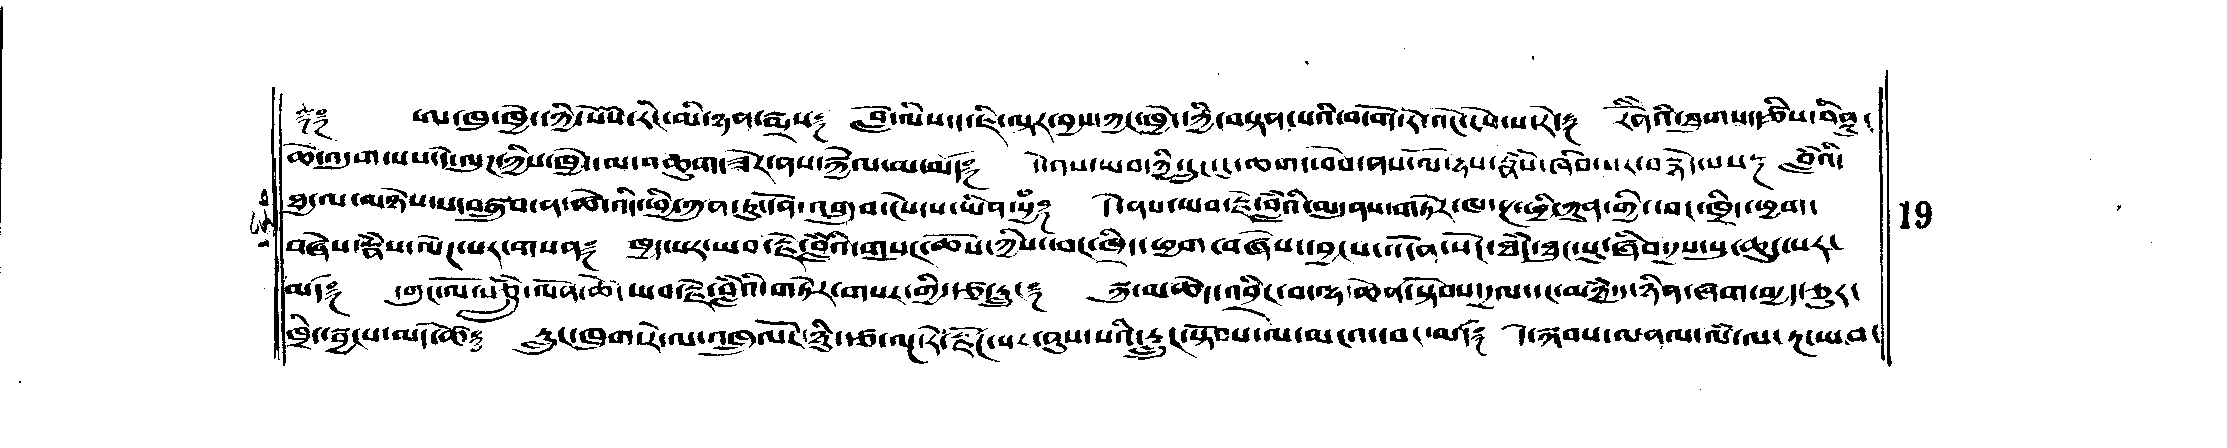ཨ་ཁུ་ཁྱོད་ཀྱི་སེམས་རིང་མི་ཉན་སྨྲས། བློ་ལིས་ད་ཇི་ལྟར་བྱས་ཀྱང་ཁྱོད་ཀྱི་བསྟན་པའི་བདག་པོ་རེ་འོང་ངེས་པར་རེད། རིན་པོ་ཆེའི་ཐུགས་རྩིས་ཤིན་ཏུ་
ཆེ་འདུག་པས་དེ་ལུགས་ཀྱིས་ཁྱེད་མ་འཆུག་ཟེར་ནས་སྐྱེལ་མ་མཛད། དེ་ནས་ཡབ་ཀྱི་དྲུང་དུ་ཆག་༼ཕྱག་?༽ཕེབས་ནས་ལོ་རྒྱུས་རྣམས་ཞིབ་པར་བསྙད་པས། བླ་མའི་
ཐུགས་ལ་མཉེས་པ་བསྒྲུབ་ན་ཚེ་འདི་ཕྱི་ཀུན་ཏུ་དོན་འགྲུབ་ངེས་པ་ཡིན་བསམ། དེ་ནས་ཡབ་རྗེ་བླ་མའི་མདུན་ནས་གཏེར་ཁ་སྔ་ཕྱི་ཀུན་གྱི་དབང་ཁྲིད་ཕྱག་
བཞེས་རྣམས་ལེགས་པར་གསན། ཁྱད་པར་ཡབ་རྗེ་བླ་མའི་གསུང་ཆོས་ཀྱིས་དབང་ཁྲིད་ཕྱག་བཞེས་དབྱངས་འདོན་སོགས་ཐམས་ཅད་ཐུགས་སུ་ཞིབ་རྒྱས་སུ་ཆུད་པར་
མཛད། དགུང་ལོ་བཅུ་དྲུག་ཙམ་ལོན་ཚེ་ཡབ་རྗེ་བླ་མའི་གཏེར་གསར་གྱི་རྩ་རླུང་། སྐུ་མཆེད་འབྲིང་བ་ལྷ་ཆེན་སྟོབས་རྒྱལ་དང་མཉམ་དུ་ཉིན་ཞག་བརྒྱད་ཅུར་
ཁྲིད་སྦྱངས་མཛད་ཚེ། རླུང་ཁུག་རེ་ལ་འཁྲུལ་འཁོར་ཉི་ཤུ་རྩ་ལྔ་རེ་རྫོགས་པར་ནུས་པའི་རླུང་སྟོབས་ལ་མངའ་དབང་མཛད། དེ་སྐབས་མནལ་ལམ་ལ་རྔ་ཡབ་